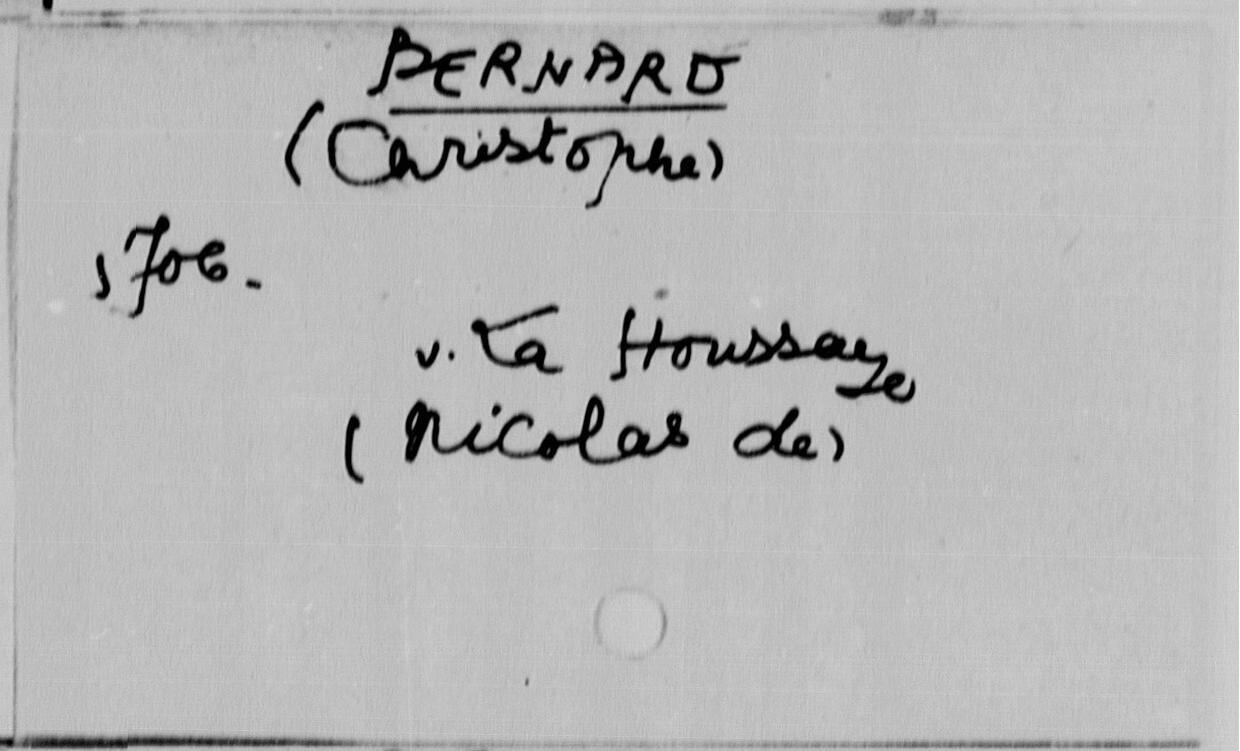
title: BERNARD (Christophe)
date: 1706
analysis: Voir : La Houssaye (Nicolas de)
